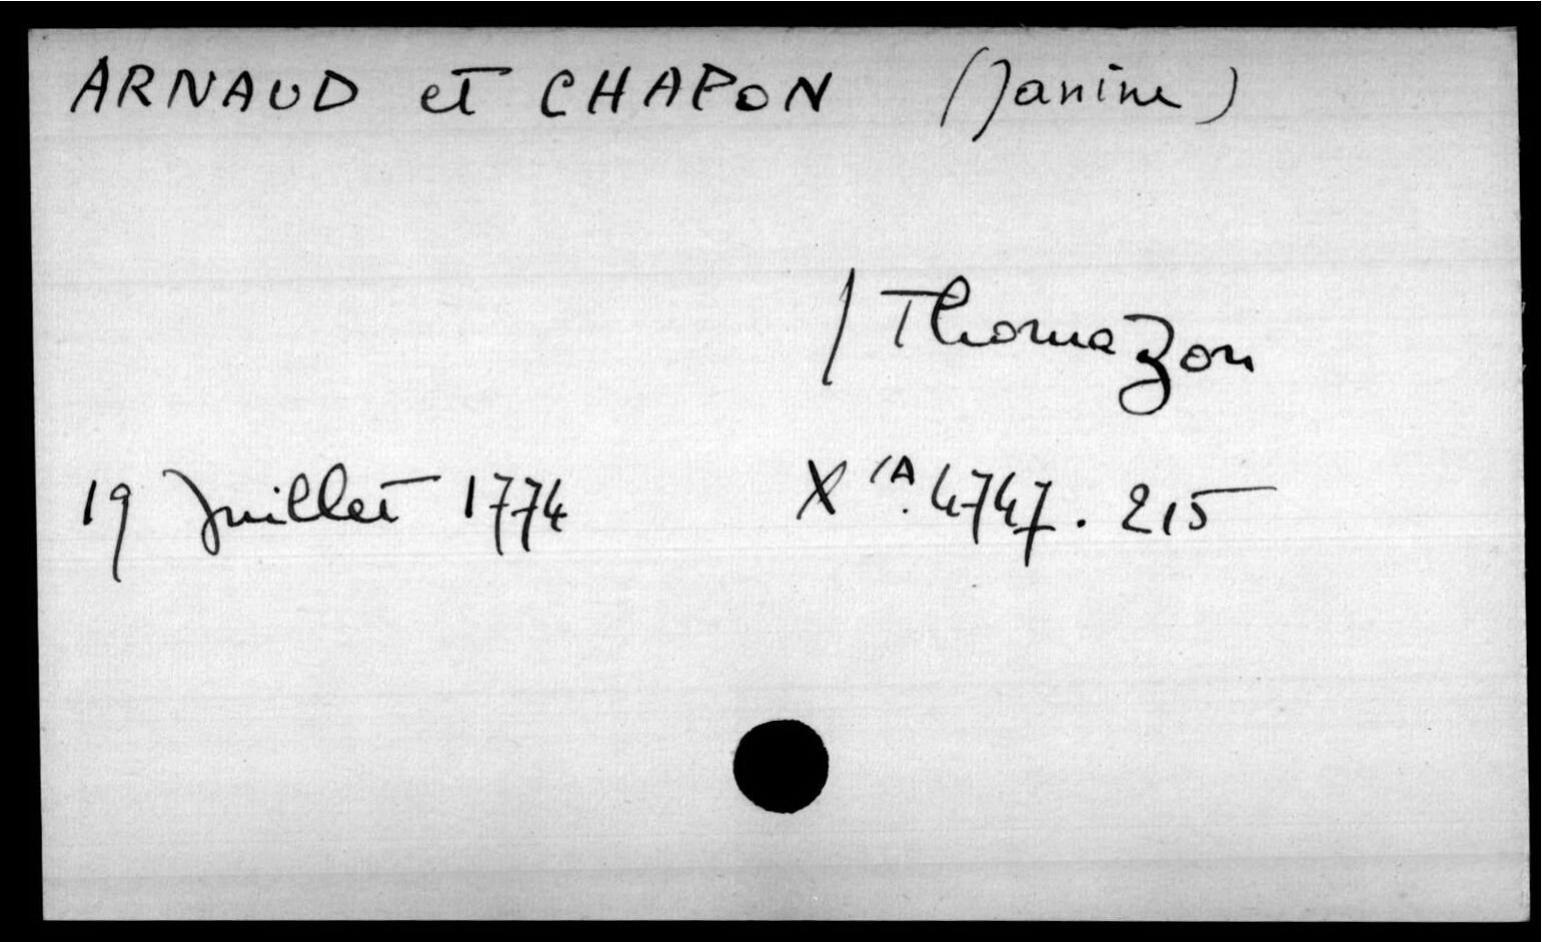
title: ARNAUD et CHAPON (Janine)
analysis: Contre Thomazon
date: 19 juillet 1774
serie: X1A
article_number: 4747
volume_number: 215
